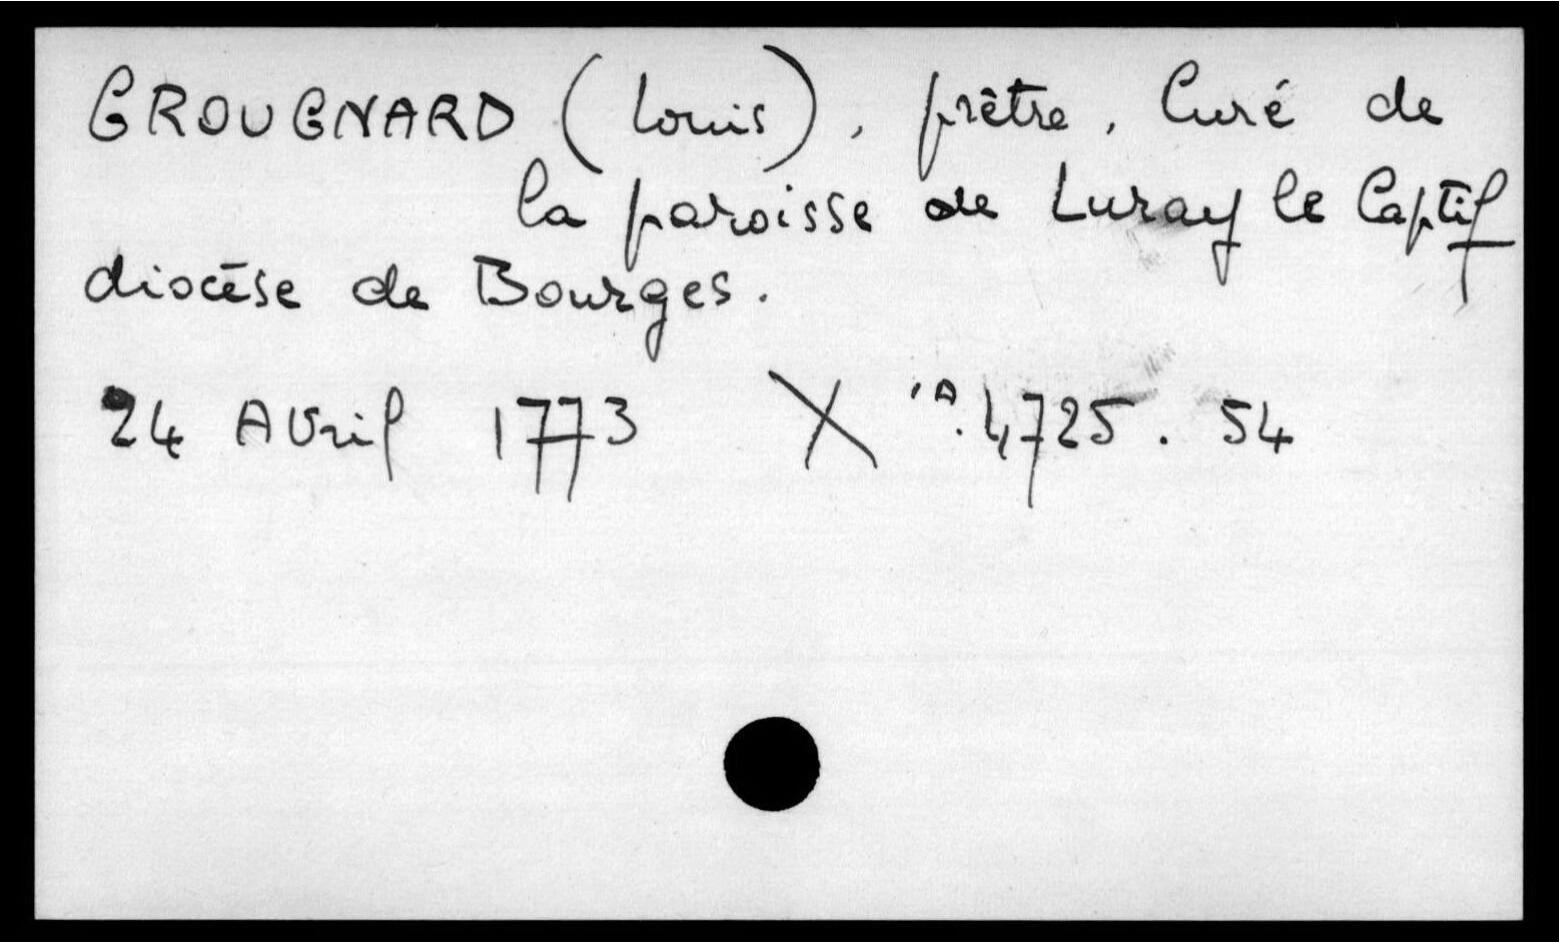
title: GROUGNARD (Louis), prêtre, curé de la paroisse de Luray-le-Captif, diocèse de Bourges.
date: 24 avril 1773
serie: X1A
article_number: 4725
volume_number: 54
